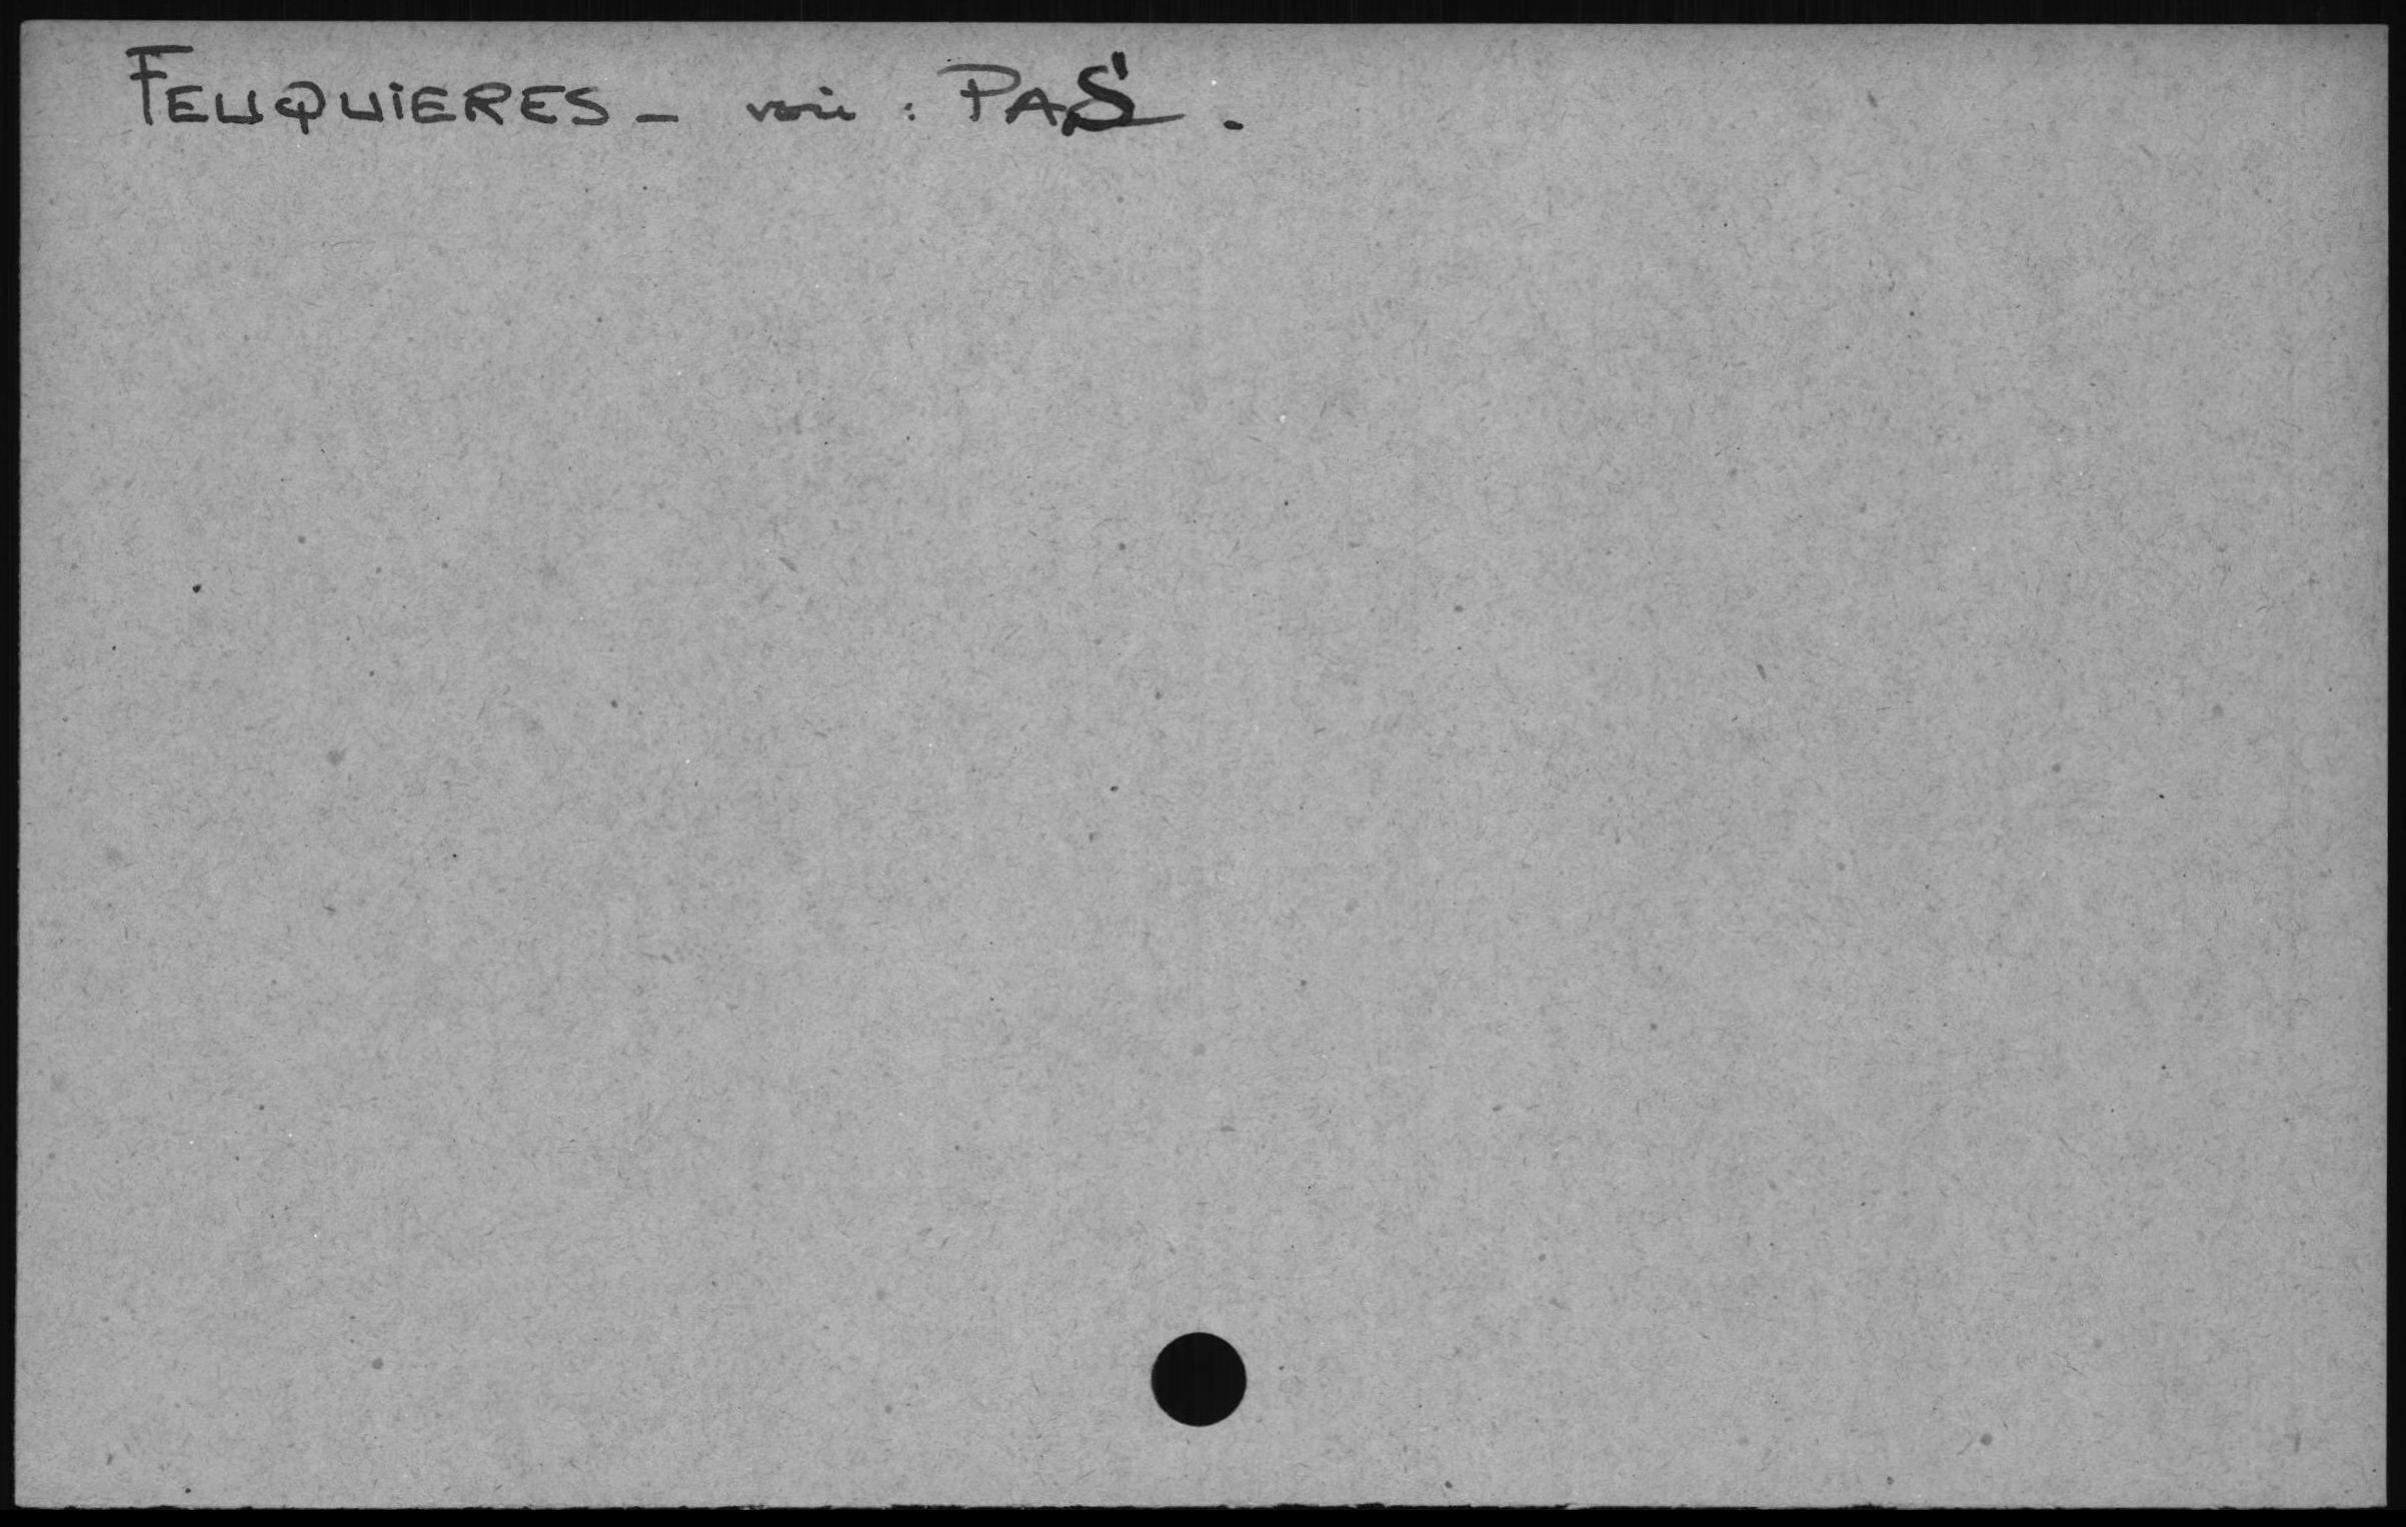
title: FEUQUIERES. voir : PAS.
